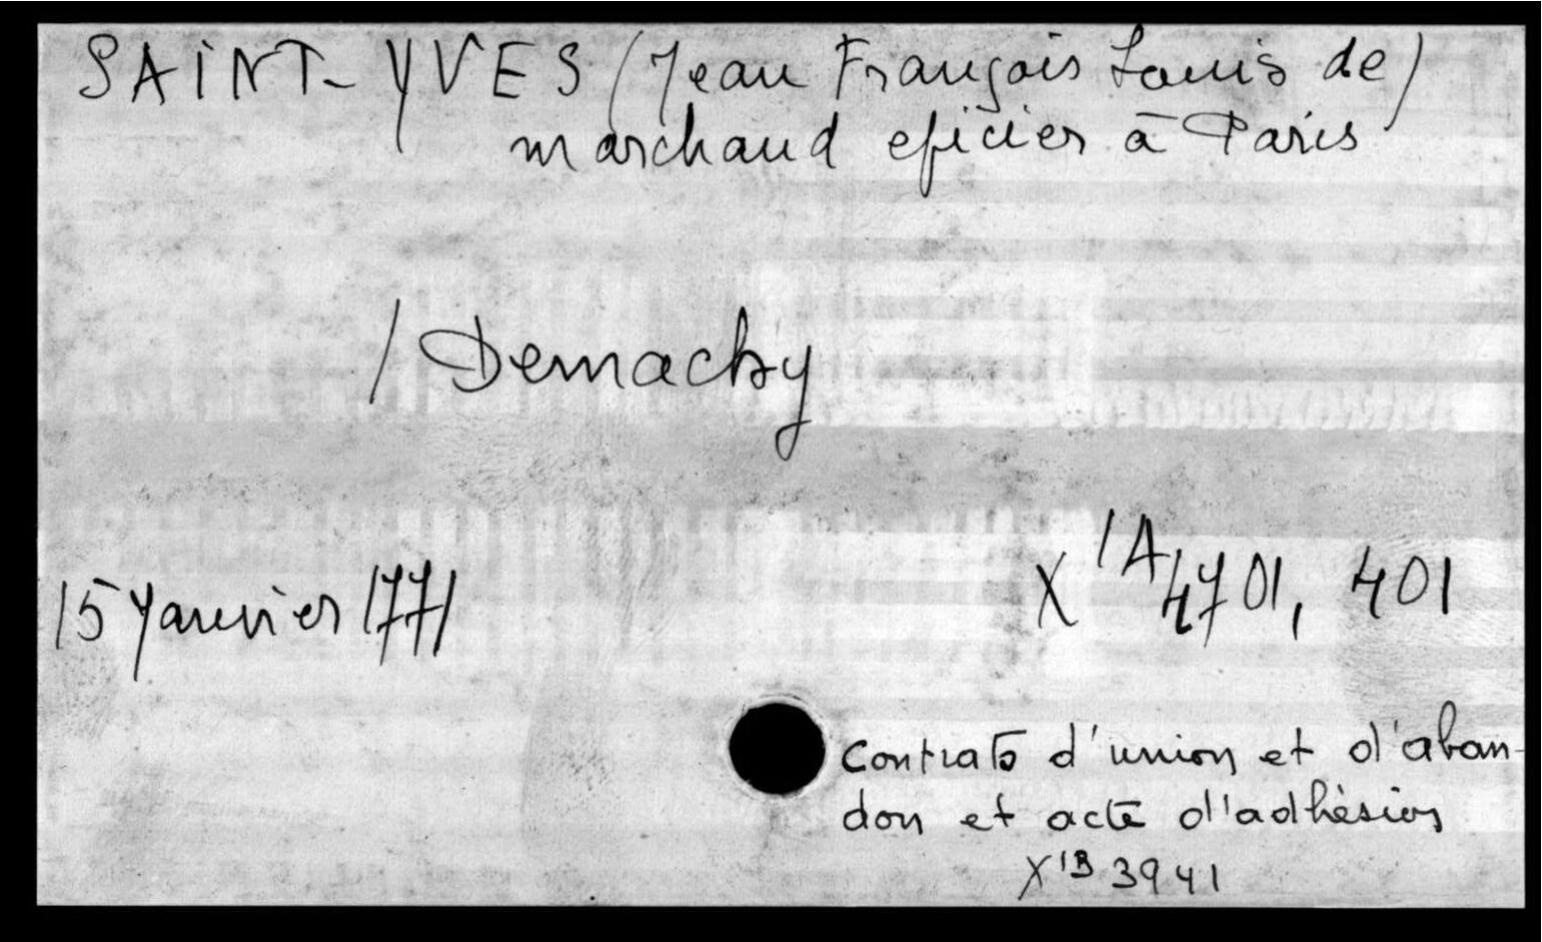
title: SAINT-YVES (Jean François Louis de) marchand épicier à Paris
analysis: Contre Demachy
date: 15 janvier 1771
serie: X1A
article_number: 4701
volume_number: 401
